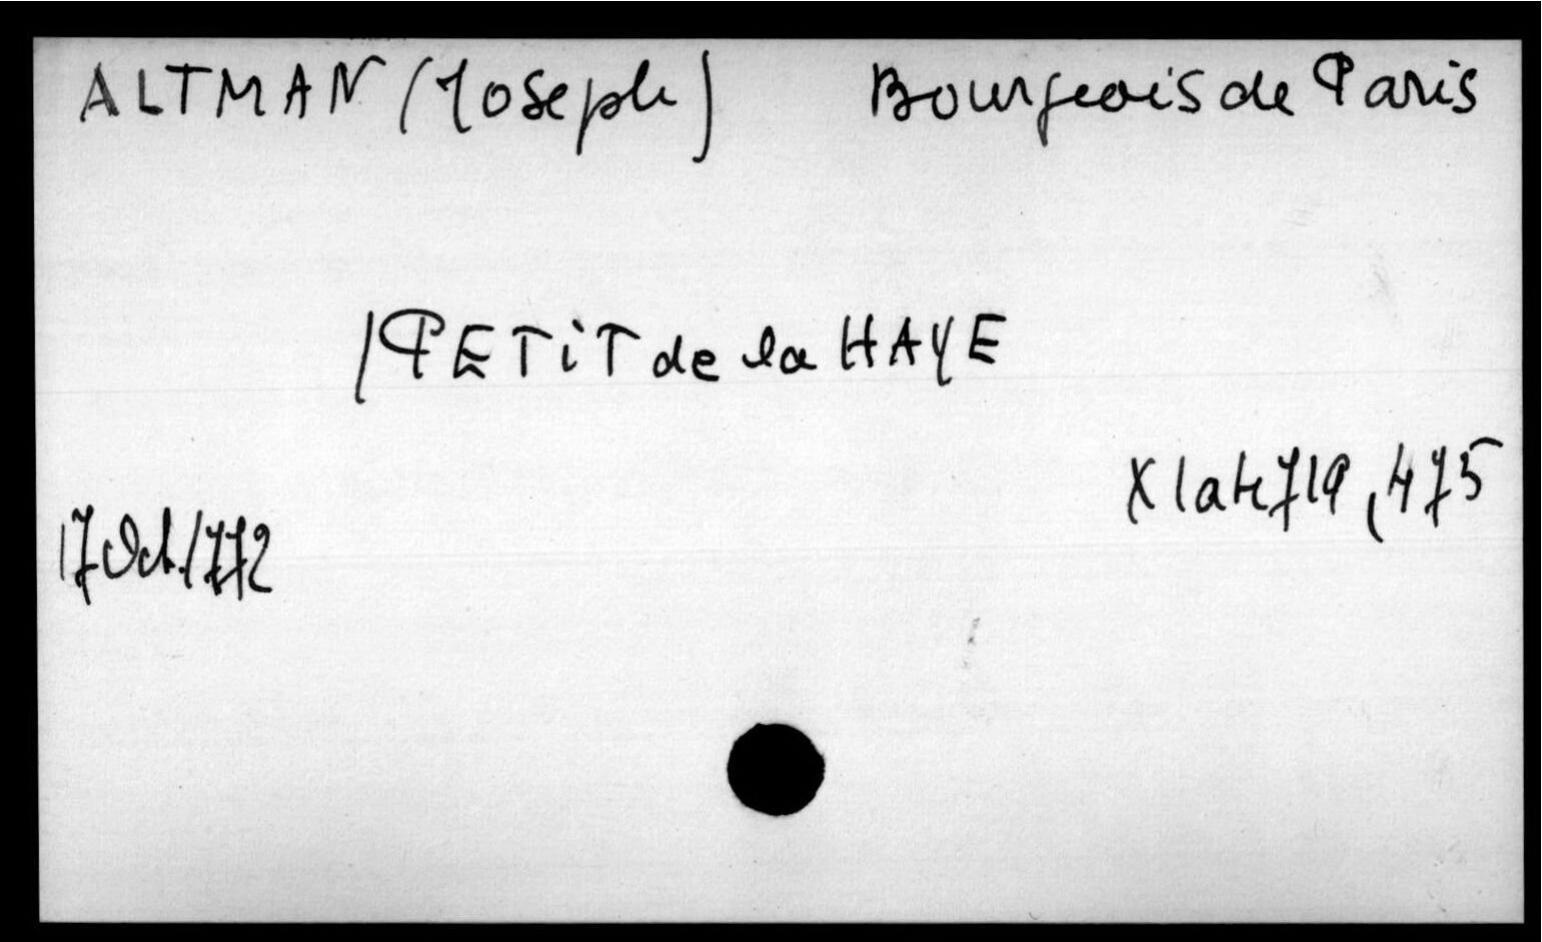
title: ALTMAN (Joseph) Bourgeois de Paris
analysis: Contre PETIT de la HAYE
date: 17 octobre 1772
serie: X1a
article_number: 4719
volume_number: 475
